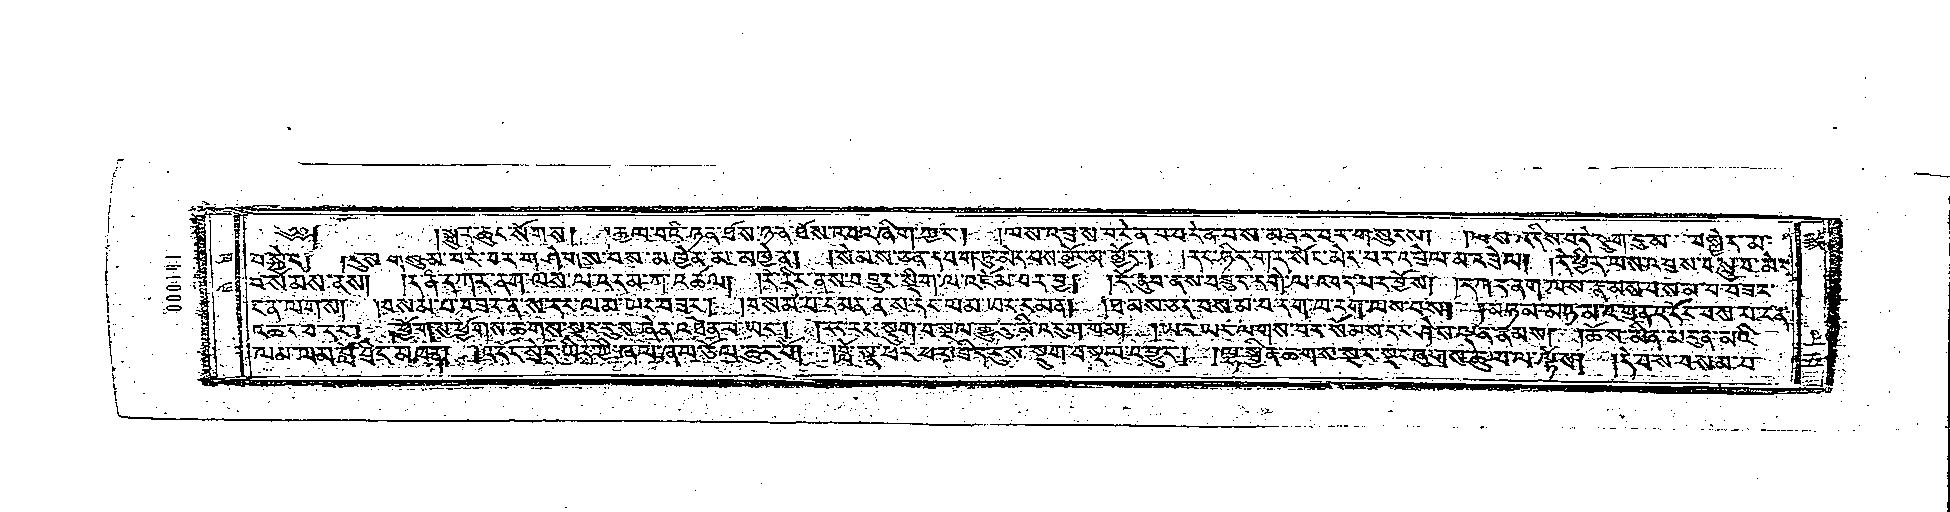༄༅། །སྐུར་ཆུང་སོགས། །རྒྱལ་བའི་ཉན་ཐོས་ཉན་ཐོས་འབའ་ཞིག་ཀྱང་། །ལས་འབྲས་བདེན་པ་བདེན་པས་མནར་བར་གསུངས། །ལས་འདིས་བདེ་སྡུག་དུ་མ་བསྐྱེད་མ་
བསྐྱེད། །དུས་གསུམ་བདེ་བར་གཤེགས་པས་མཁྱེན་མ་མཁྱེན། །སེམས་ཅན་དཔག་ཏུ་མེད་པས་མྱོང་མ་མྱོང་། །དང་ཉིད་གར་སོང་མེད་པར་འབྲེལ་མ་འབྲེལ། །དེ་ཕྱིར་ལས་འབྲས་བསླུབ་མེད་
བ་སེམས་ནས། །ད་ནི་དཀར་ནག་ལས་ལ་འདམ་ཀ་འཚལ། །དེ་རིང་ནས་བཟུང་སྡིག་ལ་འཛོམ་བར་བྱ། །དོ་ནུབ་ནས་བཟུང་དགེ་ལ་འབད་པར་བྱོས། །དཀར་ནག་ལས་རྣམས་བསམ་པ་བཟང་
ངན་ལགས། །བསམ་བ་བཟང་ནས་དང་ལམ་ཡང་བཟང་། །བསམ་པ་དམན་ནས་དང་ལམ་ཡང་དམན། །ཐམས་ཅད་བསམས་པ་དག་ལ་རག་ལས་པས། །མཉན་མཉམ་འགྲན་འོད་བསམ་ངན་
འཆང་བ་དང་། །ཕྱོགས་ཕྱོགས་ཆགས་སྡང་རུས་ཞེན་འཐེན་པ་ཡང་། །རང་རང་སྡུག་བསྔལ་རྒྱུ་དུ་མི་འདུག་གམ། །ཡང་ཡང་ལེགས་པར་སེམས་དང་ཤེས་ལྡན་རྣམས། །ཆོས་མིན་མདུན་མའི་
ལམ་ལམ་བློ་བྲིང་མཁན། །འདོད་སྲེད་ཡིད་ཀྱི་ཞལ་ཞལ་ཅོལ་ཆུང་པོ། །བློ་སྣ་ཕར་ཕར་བྲིང་དུས་སྡུག་བསྔལ་འབྱུང་། །ལྷ་སྦྱིན་ཆགས་སྡང་སྡང་ཞུགས་ཚུལ་ལ་ལྟོས། །དེ་བས་བསམ་པ་